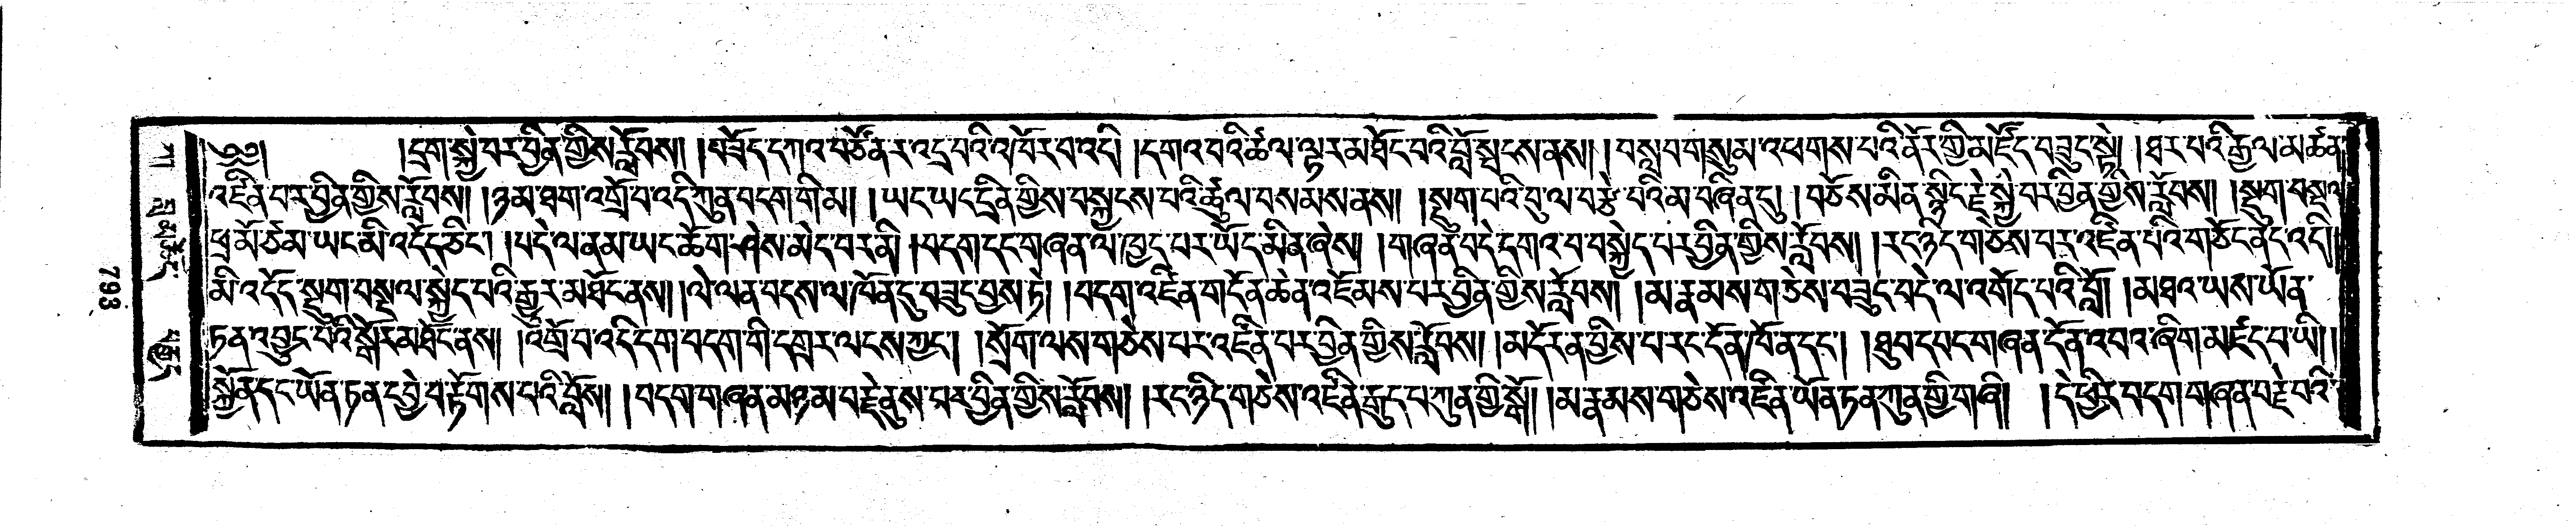༄༅། །དྲག་སྐྱེ་བར་བྱིན་གྱིས་རློབས། །བཟོད་དཀའ་བཙོན་ར་འདྲ་བའི་འཁོར་བ་འདི། །དགའ་བའི་ཚལ་ལྟར་མཐོང་བའི་བློ་སྤངས་ནས། །བསླབ་གསུམ་འཕགས་པའི་ནོར་གྱི་མཛོད་བཟུང་སྟེ། །ཐར་པའི་རྒྱལ་མཚན་
འཛིན་པར་བྱིན་གྱིས་རློབས། །ཉམ་ཐག་འགྲོ་བ་འདི་ཀུན་བདག་གི་མ། །ཡང་ཡང་དྲིན་གྱིས་བསྐྱངས་པའི་ཚུལ་བསམས་ནས། །སྡུག་པའི་བུ་ལ་བརྩེ་བའི་མ་བཞིན་དུ། །བཅོས་མིན་སྙིང་རྗེ་སྐྱེ་བར་བྱིན་གྱིས་རློབས། །སྡུག་བསྔལ་
ཕྲ་མོ་ཙམ་ཡང་མི་འདོད་ཅིང་། །བདེ་ལ་ནམ་ཡང་ཆོག་ཤེས་མེད་པར་ནི། །བདག་དང་གཞན་ལ་ཁྱད་པར་ཡོད་མིན་ཞེས། །གཞན་བདེ་དགའ་བ་བསྐྱེད་པར་བྱིན་གྱིས་རློབས། །རང་ཉིད་གཅེས་པར་འཛིན་པའི་གཅོང་ནད་འདི།།
མི་འདོད་སྡུག་བསྔལ་སྐྱེད་པའི་རྒྱུར་མཐོང་ནས། །ལེ་ལན་བདས་ལ་ཁོན་དུ་བཟུང་བྱས་ཏེ། །བདག་འཛིན་གདོན་ཆེན་འཇོམས་པར་བྱིན་གྱིས་རློབས། །མ་རྣམས་གཅེས་བཟུང་བདེ་ལ་འགོད་པའི་བློ། །མཐའ་ཡས་ཡོན་
ཏན་འབྱུང་བའི་སྒོར་མཐོང་ནས། །འགྲོ་བ་འདི་དག་བདག་གི་དགྲར་ལངས་ཀྱང་། །སྲོག་ལས་གཅེས་པར་འཛིན་པར་བྱིན་གྱིས་རློབས། །མདོར་ན་བྱིས་པ་རང་དོན་ཁོ་ན་དང་། །ཐུབ་དབང་གཞན་དོན་འབའ་ཞིག་མཛད་པ་ཡི། །
སྐྱོན་དང་ཡོན་ཏན་དབྱེ་བ་རྟོགས་པའི་བློས། །བདག་གཞན་མཉམ་བརྗེ་ནུས་པར་བྱིན་གྱིས་རློབས། །རང་ཉིད་གཅེས་འཛིན་རྒུད་པ་ཀུན་གྱི་སྒོ། །མ་རྣམས་གཅེས་འཛིན་ཡོན་ཏན་ཀུན་གྱི་གཞི། །དེ་ཕྱིར་བདག་གཞན་བརྗེ་བའི་